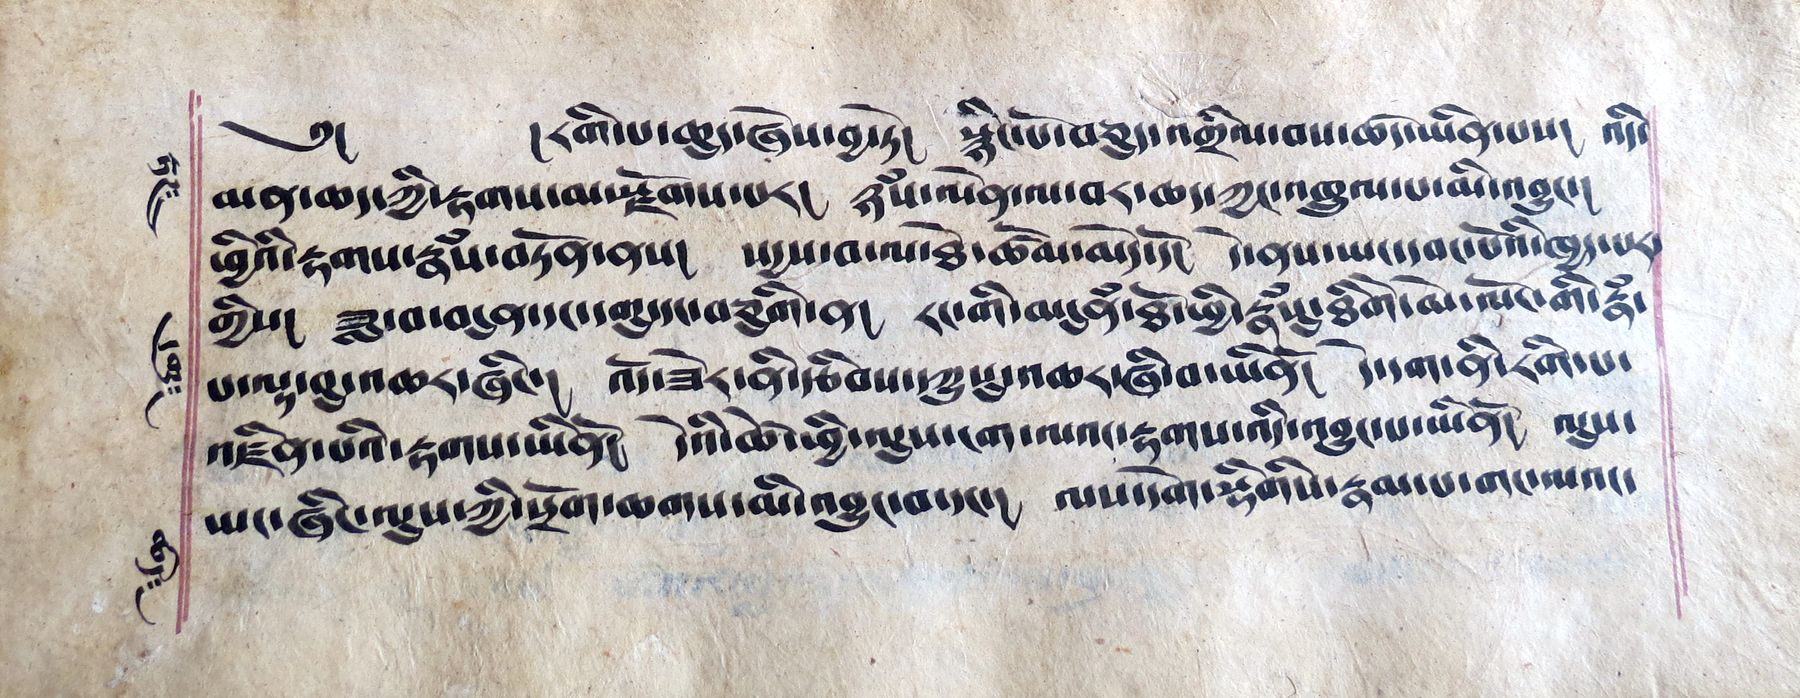༼ར་བར་དཔེ་གཞན་ལ༽རིག་པ་ཆུད་ཅེས་བྱ་སྟེ། སྙིང་པོ་བཅུད་དུ་འདྲིལ་བའི་རྟགས་ཡིན་པས། འདི་
མན་ཆད་ཀྱི་རྟགས་མ་རྫོགས་པར། ཉམས་ལེན་ལ་བར་ཆད་ཀྱང་འཁྲུལ་པ་མི་འབྱུང་། 
ཕྱིའི་རྟགས་རྣམས་ཐོན་ནས་སངས་རྒྱས་པ་ལ་ཐེ་ཚོམ་མེད་དོ། །དེ་ནས་ཡང་དབང་པོའི་ཁྱད་པར་
གྱིས། ཟླ་བ་བདུན་དང་དགུ་དང་བཅུ་གཅིག་ན། རང་གི་མདུན་ནམ་ཐོ་ཕྱི་རྣམས་སུ། ཐིག་ལེ་མེ་ལོང་གི་རྣམ་
པ་ལྟ་བུ་འཆར་ཞིང་། འོད་ཟེར་ནི་རྩིབས་དཀྱུས་སུ་འཆར་བ་ཡིན་ནོ། །དེ་དག་ནི་རིག་པ་
འཛིན་པའི་རྟགས་ཡིན། དེའི་ཚེ་ཕྱིའི་ལུས་ལའང་རྟགས་འདི་ལྟ་བུ་འབྱུང་བ་ཡིན་ནོ། །ལུས་
ཡང་ཞིང་ལུས་ལ་སྲོག་ཆགས་མི་འབྱུང་བ་དང་། ལས་དགེ་སྡིག་གི་རྣམ་པ་གང་ལ་ཡང་